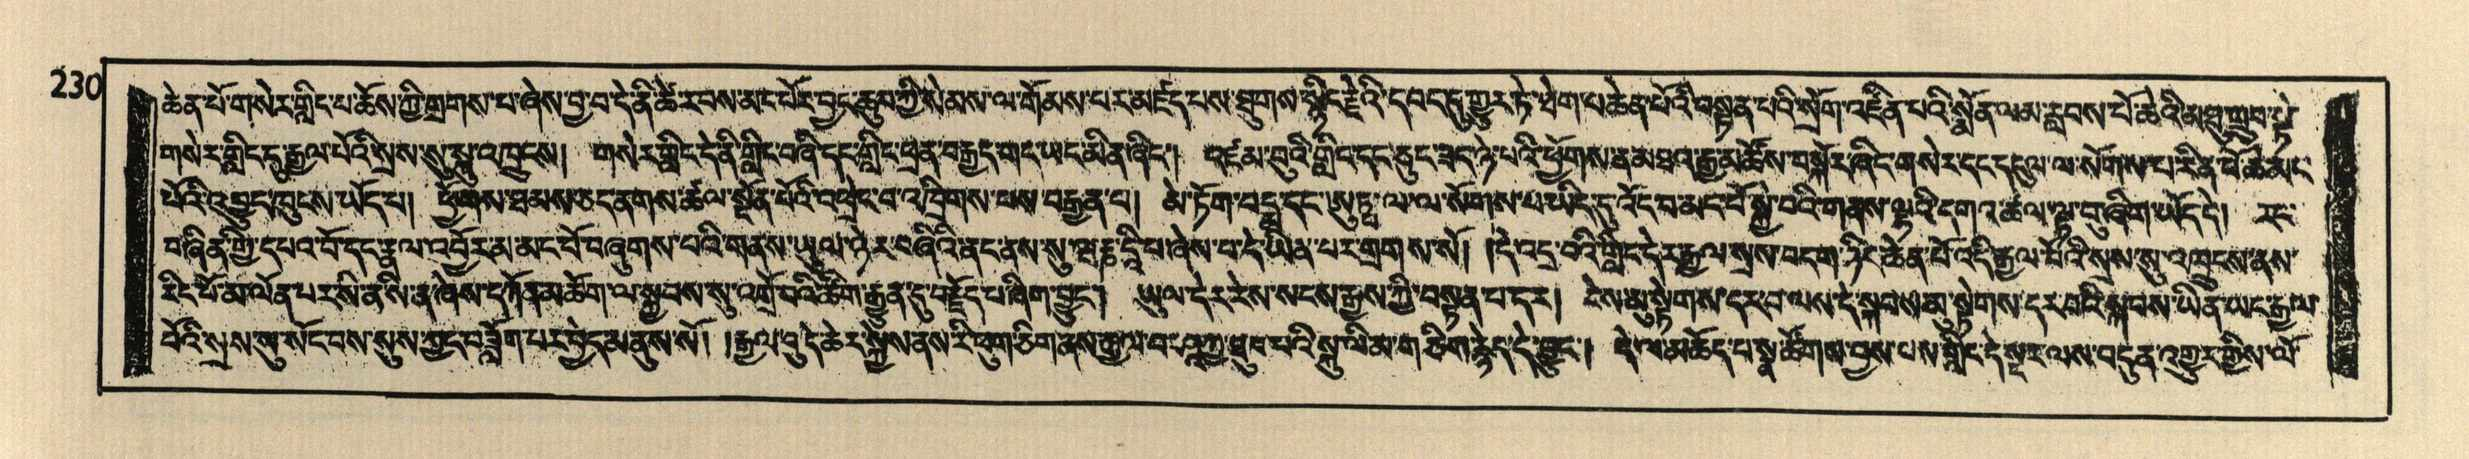ཆེན་པོ་གསེར་གླིང་པ་ཆོས་ཀྱི་གྲགས་པ་ཞེས་བྱ་བ་དེ་ནི་ཚེ་རབས་མང་པོར་བྱང་ཆུབ་ཀྱི་སེམས་ལ་གོམས་པར་མཛད་པས་ཐུགས་སྙིང་རྗེའི་དབང་དུ་གྱུར་ཏེ་ཐེག་པ་ཆེན་པོའི་བསྟན་པའི་སྲོག་འཛིན་པའི་སྨོན་ལམ་རླབས་པོ་ཆེའི་མཐུ་གྲུབ་སྟེ་
གསེར་གླིང་དུ་རྒྱལ་པོའི་སྲས་སུ་སྐུ་འཁྲུངས། གསེར་གླིང་དེ་ནི་གླིང་བཞི་དང་གླིང་ཕྲན་བརྒྱད་གང་ཡང་མིན་ཞིང་། འཛམ་བུའི་གླིང་དང་ཅུང་ཟད་ཉེ་པའི་ཕྱོགས་ན་མཐའ་རྒྱ་མཚོས་བསྐོར་ཞིང་གསེར་དང་དངུལ་ལ་སོགས་པ་རིན་པོ་ཆེ་མང་
པོའི་འབྱུང་ཁུངས་ཡོད་པ། ཕྱོགས་ཐམས་ཅད་ནགས་ཚལ་སྔོན་པོའི་འཕྲེང་བ་འཁྲིགས་པས་བརྒྱན་པ། མེ་ཏོག་པདམ་དང་ཨུཏྤ་ལ་ལ་སོགས་པ་ཡིད་དུ་འོང་བ་མང་པོ་སྐྱེ་བའི་གནས་ལྷའི་དགའ་ཚལ་ལྟ་བུ་ཞིག་ཡོད་དེ། རང་
བཞིན་གྱི་དཔའ་བོ་དང་རྣལ་འབྱོར་མ་མང་པོ་བཞུགས་པའི་གནས་ཡུལ་ཉེར་བཞིའི་ནང་ནས་སུ་ཝརྞ་དཱི་པ་ཞེས་པ་དེ་ཡིན་པར་གྲགས་སོ། །དེ་འདྲ་བའི་གླིང་དེར་རྒྱལ་སྲས་བདག་ཉིད་ཆེན་པོ་འདི་རྒྱལ་པོའི་སྲས་སུ་འཁྲུངས་ནས་
རིང་པོ་མ་ལོན་པར་སི་ན་སི་ན་ཞེས་དཀོན་མཆོག་ལ་སྐྱབས་སུ་འགྲོ་བའི་ཚིག་རྒྱུན་དུ་བརྗོད་པ་ཞིག་བྱུང་། ཡུལ་དེར་རེས་སངས་རྒྱས་ཀྱི་བསྟན་པ་དང་། ངེས་མུ་སྟེགས་དར་བ་ལས་དེ་སྐབས་མུ་སྟེགས་དར་བའི་སྐབས་ཡིན་ཡང་རྒྱལ་
བོའི་སྲས་སུ་སོང་བས་སུས་ཀྱང་བཟློག་པར་བྱེད་མ་ནུས་སོ། །རྒྱལ་བུ་དེ་ཆེར་སྐྱེས་ནས་རི་ཕུག་ཅིག་ནས་རྒྱལ་བ་ཤཱཀྱ་ཐུབ་པའི་སྐུ་ལི་མ་གཅིག་རྙེད་དེ་བྱུང་། དེ་ལ་མཆོད་པ་སྣ་ཚོགས་བྱས་པས་གླིང་དེ་སྔར་ལས་བདུན་འགྱུར་གྱིས་ལོ་